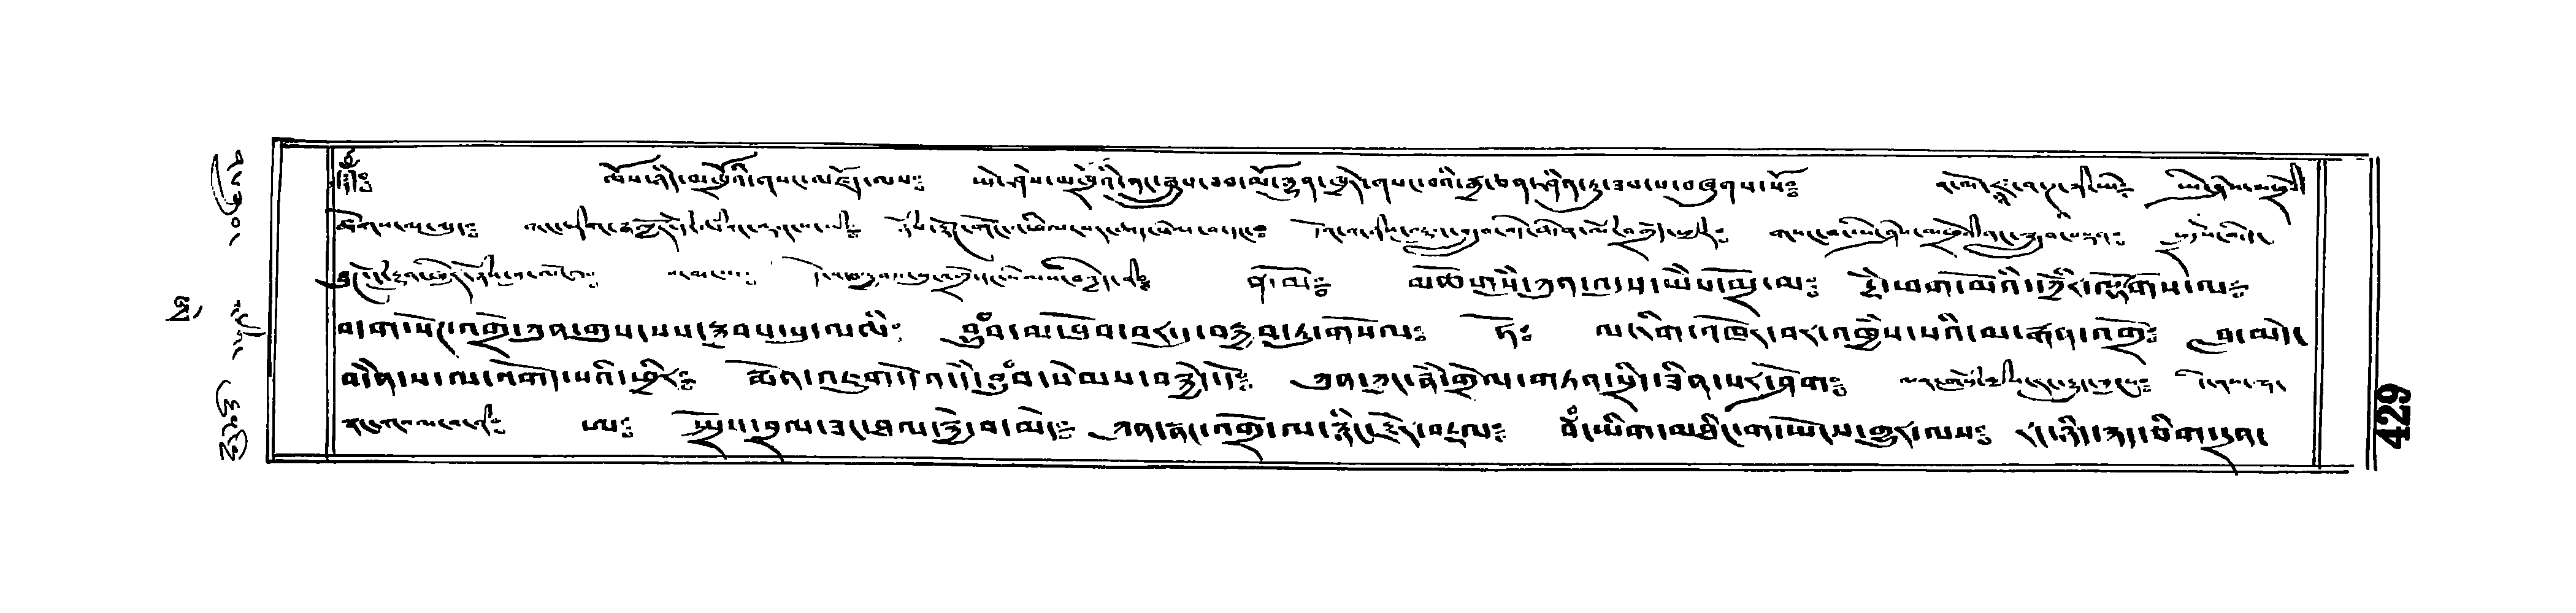ཆོས་ཉིད་མཁའ་འགྲོའི་གསང་མཛོད་ལས༔ ཡེ་ཤེས་མཁའ་འགྲོའི་ནང་སྒྲུབ་ཟབ་མོ་རྒྱུན་ཁྱེར་གསང་བའི་རྒྱ་ཅན་ཤིན་ཏུ་ཟབ་པ་བཞུགས་སོ༔ ན་མོ་ཛྙཱ་ན་ཌཱ་ཀི་ཡེ༔ ཡེ་ཤེས་མཁའ་འགྲོའི་
ཚོགས་ལ་འདུད༔ གང་ཞིག་རྣལ་འབྱོར་དམ་ཚིག་ལྡན་པ་ཡི༔ ཉམས་རྟོགས་གོང་འཕེལ་བར་ཆད་སེལ་བ་དང༔ དོན་གཉིས་ལྷུན་གྲུབ་བདེ་ཆེན་ལམ་བགྲོད་ཕྱིར༔ གསང་བ་ཡེ་ཤེས་མཁའ་འགྲོའི་ནང་སྒྲུབ་བསྟན༔ སྤྲོས་མེད་
ཐུགས་དམ་རྒྱུན་ཁྱེར་ཉམས་སུ་ལོངས༔ ས་མ་ཡ༔ དེ་ལ་སྐྱབས་སུ་འགྲོ་དང་སེམས་བསྐྱེད་ནི༔ ན་མོ༔ མཆོག་གསུམ་ཀུན་འདུས་ཡེ་ཤེས་མཁའ་འགྲོ་མ༔ རྡོ་རྗེ་ཕག་མོའི་དཀྱིལ་འཁོར་ལྷ་ཚོགས་ལ༔ 
བདག་སོགས་འགྲོ་ཀུན་གུས་པས་སྐྱབས་སུ་མཆི༔ བྱང་ཆུབ་མ་ཐོབ་བར་དུ་བསྐྱབ་ཏུ་གསོལ༔ ཧོཿ མ་རིག་འཁོར་བར་འཁྱམས་པའི་མ་རྒན་འགྲོ༔ བླ་མེད་
བདེ་ཆེན་ས་ལ་འགོད་པའི་ཕྱིར༔ སྨོན་འཇུག་དོན་དམ་བྱང་ཆུབ་སེམས་བསྐྱེད་དོ༔ ཀུན་ཀྱང་རྣམ་གྲོལ་གཏན་སྲིད་ཟིན་པར་ཤོག༔ ལན་གསུམ་གྱིས་རང་རྒྱུད་སྦྱངས༔ དེ་ནས་ལྷ་
སྣང་གསལ་བ་ནིཿ ཨཱཿ སྤྲོས་བྲལ་ཟང་ཐལ་སྐྱེ་བ་མེད༔ ཀུན་སྣང་འགྲོ་ལ་སྙིང་རྗེར་བརྡལ༔ བྃ་ཡིག་མཐིང་ག་ཡོངས་གྱུར་ལས༔ རང་ཉིད་སྐད་ཅིག་དྲན་